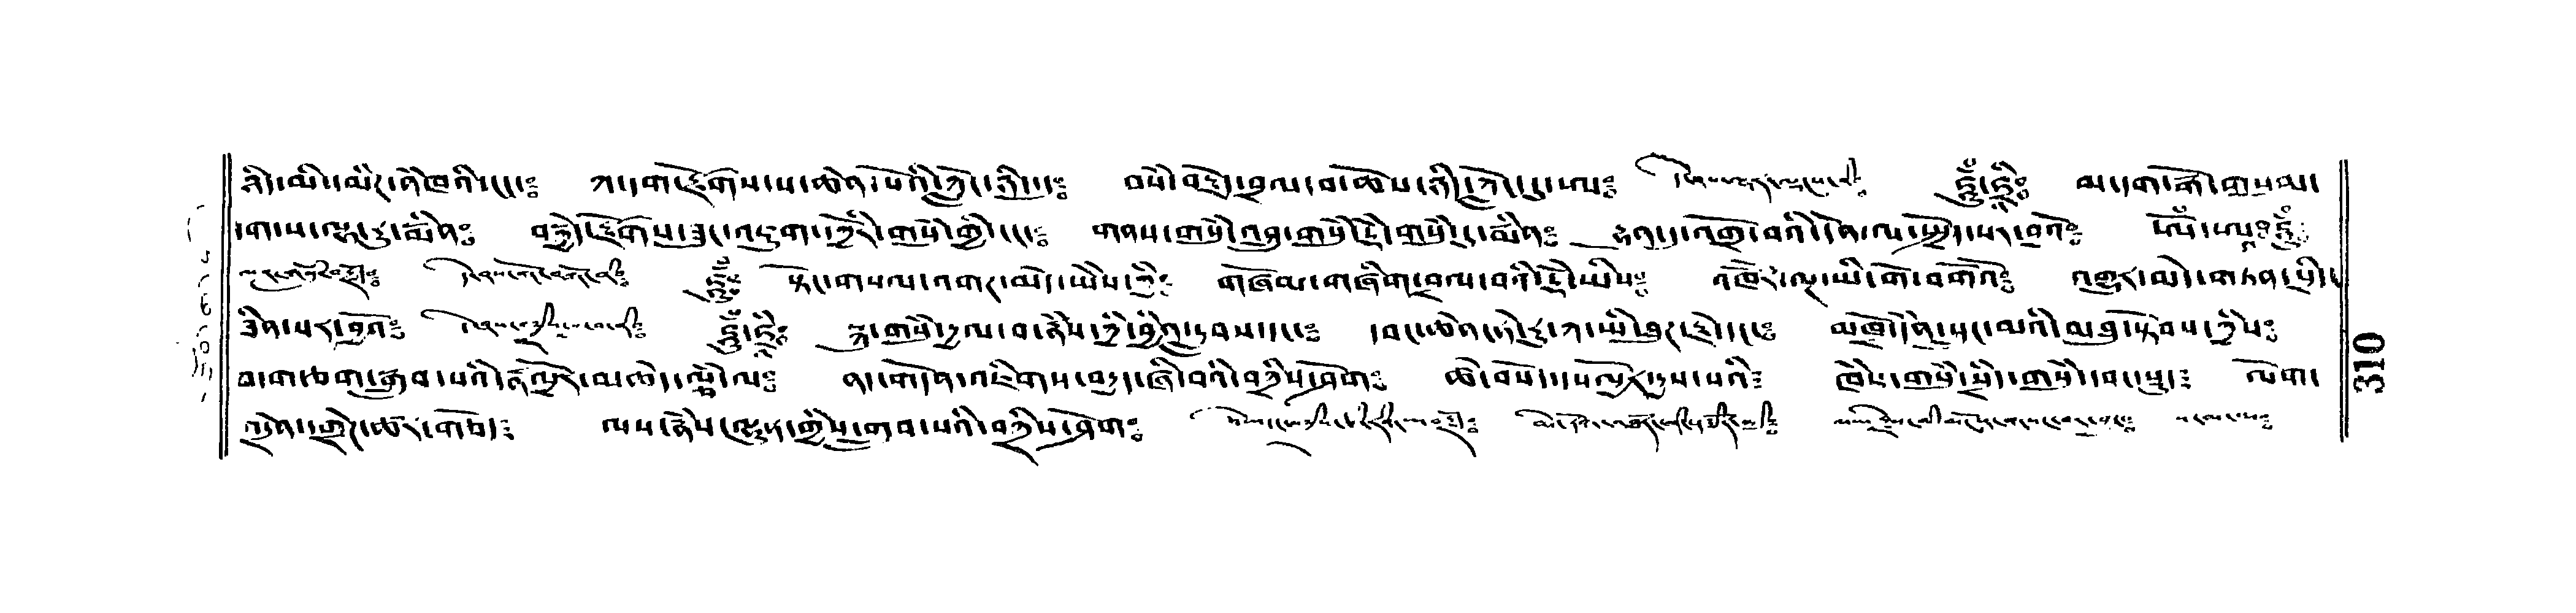ཉིད་མི་དམིགས་ནམ་མཁའི་ངང༔ ཀ་དག་རྫོགས་པ་ཆེན་པོའི་ཀློང་ཉིད་དུ༔ བསམ་བརྗོད་བྲལ་བ་ཆོས་ཉིད་ཀློང་དུ་ཨཱཿ དེ་ནས་ལྷར་ལྡང་ནི༔ ཧཱུྃ་ཧྲཱིཿ མ་དག་སྒོ་གསུམ་
དག་པ་ལྷ་རུ་སྨིན༔ བསྐྱེད་རྫོགས་ཟུང་འཇུག་དཀྱིལ་འཁོར་གསུམ་གྱི་ངང༔ གནས་གསུམ་འབྲུ་གསུམ་རྡོ་རྗེ་གསུམ་དུ་སྨིན༔ རྒྱུན་དུ་འགྲོ་བའི་དོན་ལ་སྤྱོད་པར་བྱའོ༔ ཨོཾ་ཨཱཿཧཱུྃ༔ 
ལན་གསུམ་བརྗོད༔ དེ་ནས་གོ་བགོ་ནི༔ ཧཱུྃ༔ སྟོང་གསལ་འགག་མེད་ཡེ་ཤེས་ཀྱི༔ གཞོམ་གཞིག་བྲལ་བའི་རྡོ་རྗེ་ཡིས༔ འཁོར་ལོ་ལྔ་ཡི་གོ་བགོའོ༔ འགྱུར་མེད་གཏན་སྲིད་
ཟིན་པར་བྱའོ༔ དེ་ནས་བཀྲ་ཤིས་བྱ་བ་ནི༔ ཧཱུྃ་ཧྲཱིཿ སྐུ་གསུམ་རྒྱལ་བ་རྣམས་ཀྱི་བྱིན་རླབས་དང༔ དབང་ཆེན་ཧེ་རུ་ཀ་ཡི་ཐུགས་རྗེ་དང༔ མཁའ་འགྲོ་དམ་ཅན་སྲུང་མའི་མཐུ་སྟོབས་ཀྱིས༔ 
བདག་ཅག་སྒྲུབ་པའི་རྣལ་འབྱོར་མཆེད་ལྕམ་ལ༔ ནད་གདོན་འཇིགས་བརྒྱད་ཞི་བའི་བཀྲ་ཤིས་ཤོག༔ ཚེ་བསོད་དཔལ་འབྱོར་རྒྱས་པའི༴ ཁམས་གསུམ་སྲིད་གསུམ་དབང་སྡུད༴ ལོག་
འདྲེན་དགྲ་བགེགས་ཚར་གཅོད༴ ལས་རྣམས་ལྷུན་གྱིས་གྲུབ་པའི་བཀྲ་ཤིས་ཤོག༔ ཅེས་དང་བཀྲ་ཤིས་ཅི་རིགས་བརྗོད༔ མེ་ཏོག་འཐོར་ཞིང་དཀྱིལ་འཁོར་གྱི༔ ལས་རྗེས་མི་མངོན་གསང་བར་བྱ༔ ས་མ་ཡ༔